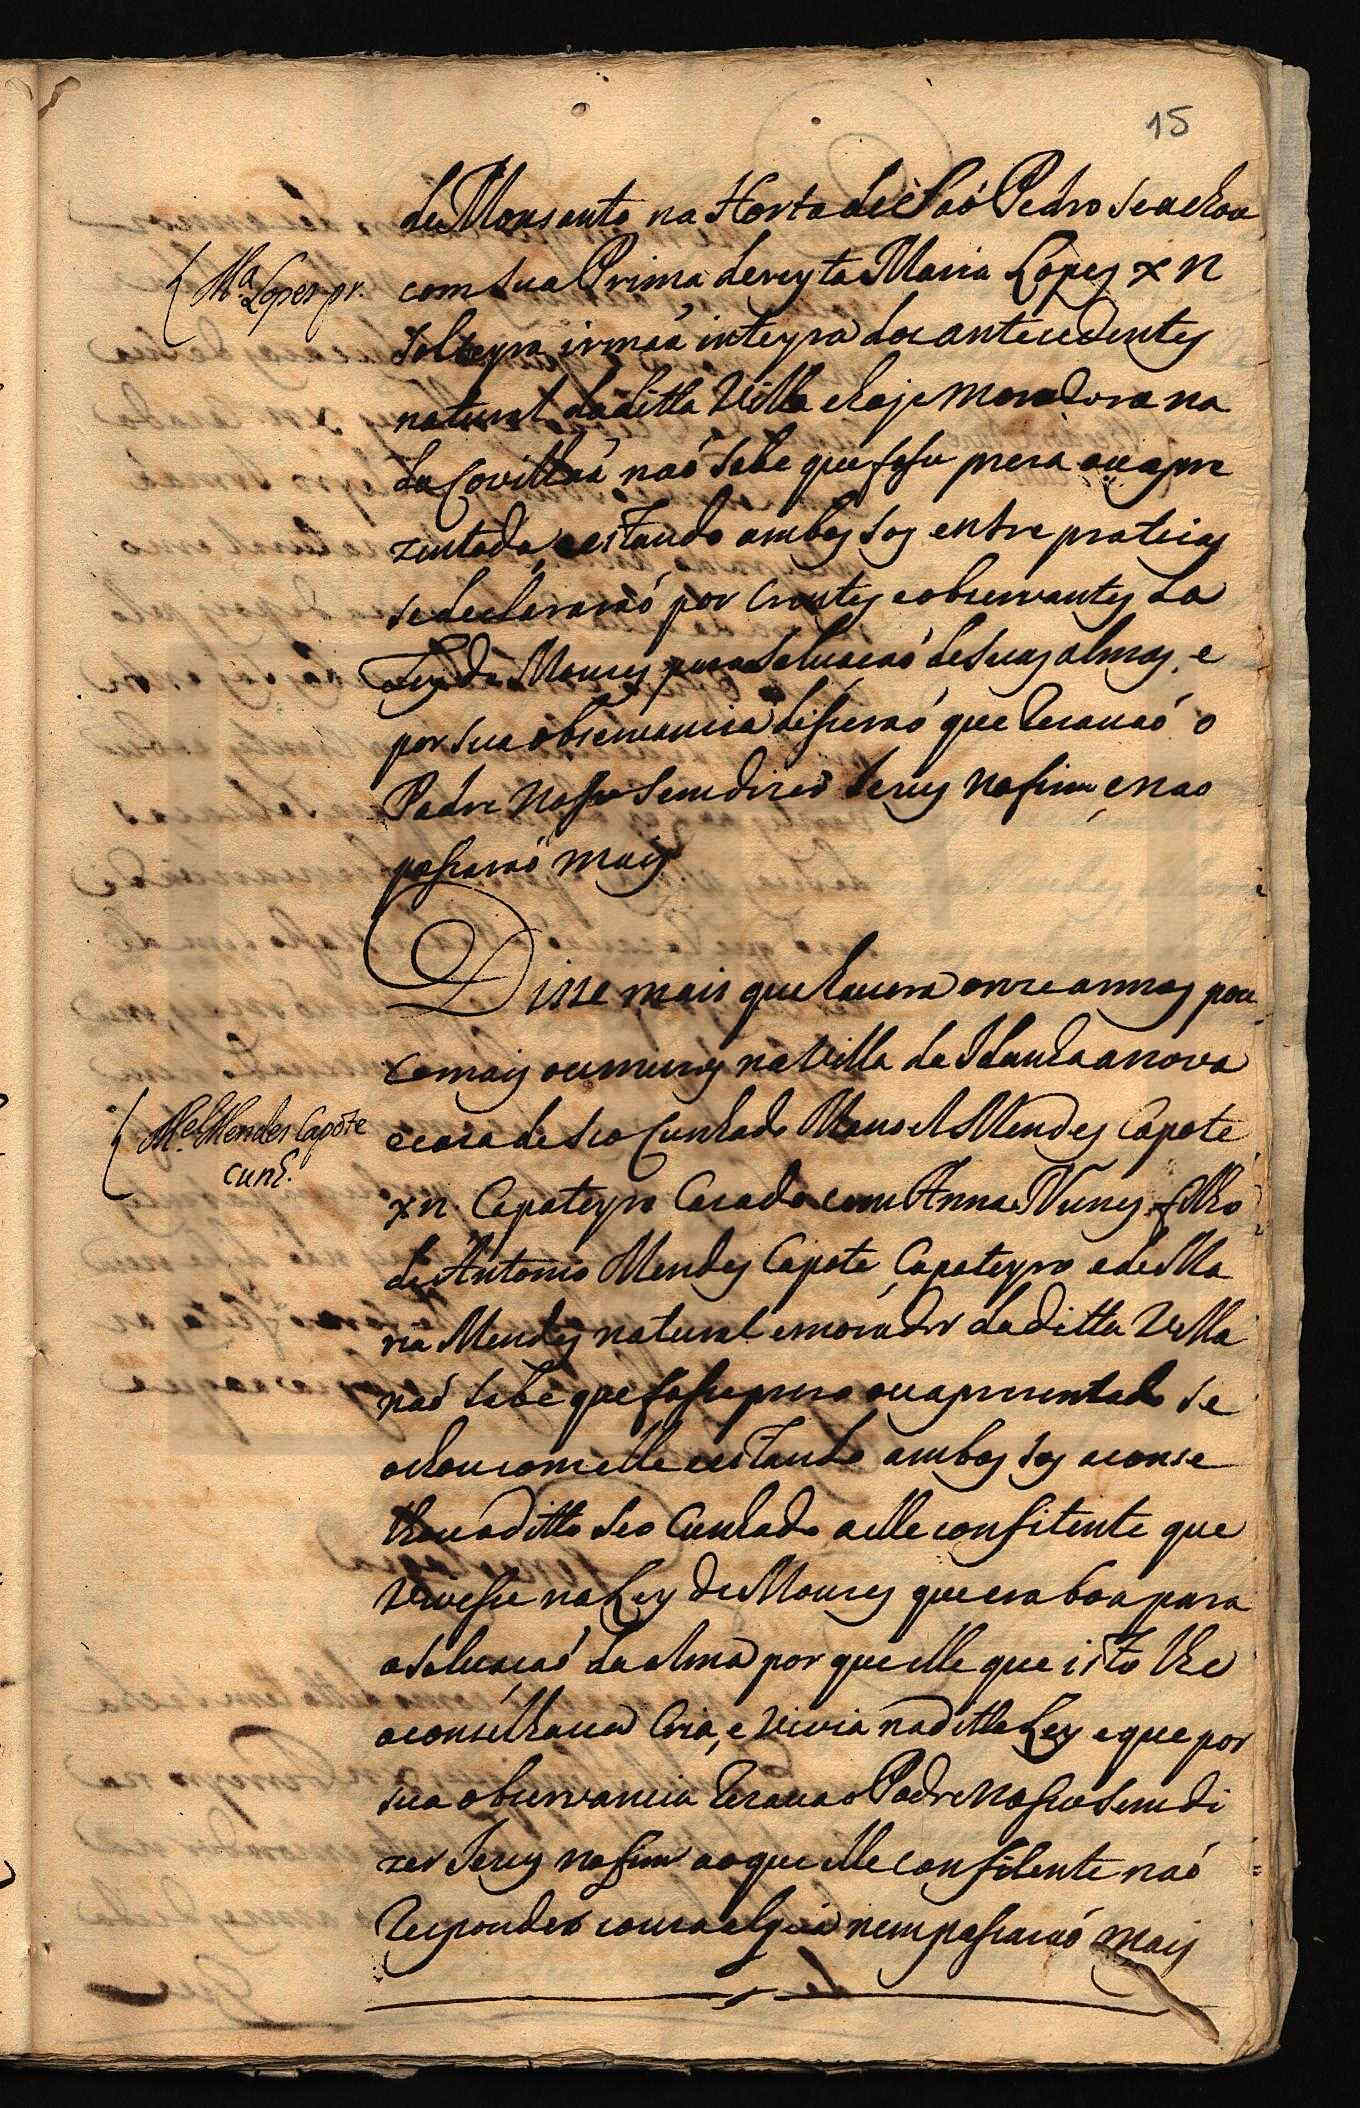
de Monsanto na Horta de Saõ Pedro se achou
com Sua Prima dereyta Maria Lopes xn
M.a Lopez pr.
solteyra irmaã inteyra dos antecedentes
natural da ditta Villa e hoje moradora na
da Covilhaã naõ sabe que fosse preza ou apre
zentada, e estando ambos sos entre praticas
se declararaõ por crentes e observantes da
Ley de Mouzes para Saluaçaõ de suas almas, e
por sua obseruancia disseraõ que Rezauaõ o
Padre nosso sem dizer Iezus no fim, e nao
passaraõ mais.
Disse mais que hauera onze annos pou
co mais ou menos na Villa de Idanha a nova
L M.el Mendes Capote
cunh.
e caza de seo Cunhado Manoel Mendes Capote
xn Çapateyro Cazado com Anna Nunes filho
de Antonio Mendes Capote Çapateyro, e de Ma
ria Mendes natural e morador da ditta Villa
naõ sabe que fosse prezo, ou aprezentado se
achou com elle, e estando ambos sos aconse
lhou o ditto seo Cunhado a elle confitente que
vivesse na Ley de Mouzes que era boa para
a saluaçaõ da alma porque elle que isto lhe
aconselhaua Cria, e vivia na ditta Ley e que por
sua observancia Rezaua o Padre nosso sem di
zer Iesus no fim ao que elle confitente naõ
Respondo couza alguā nem passaraõ mais
